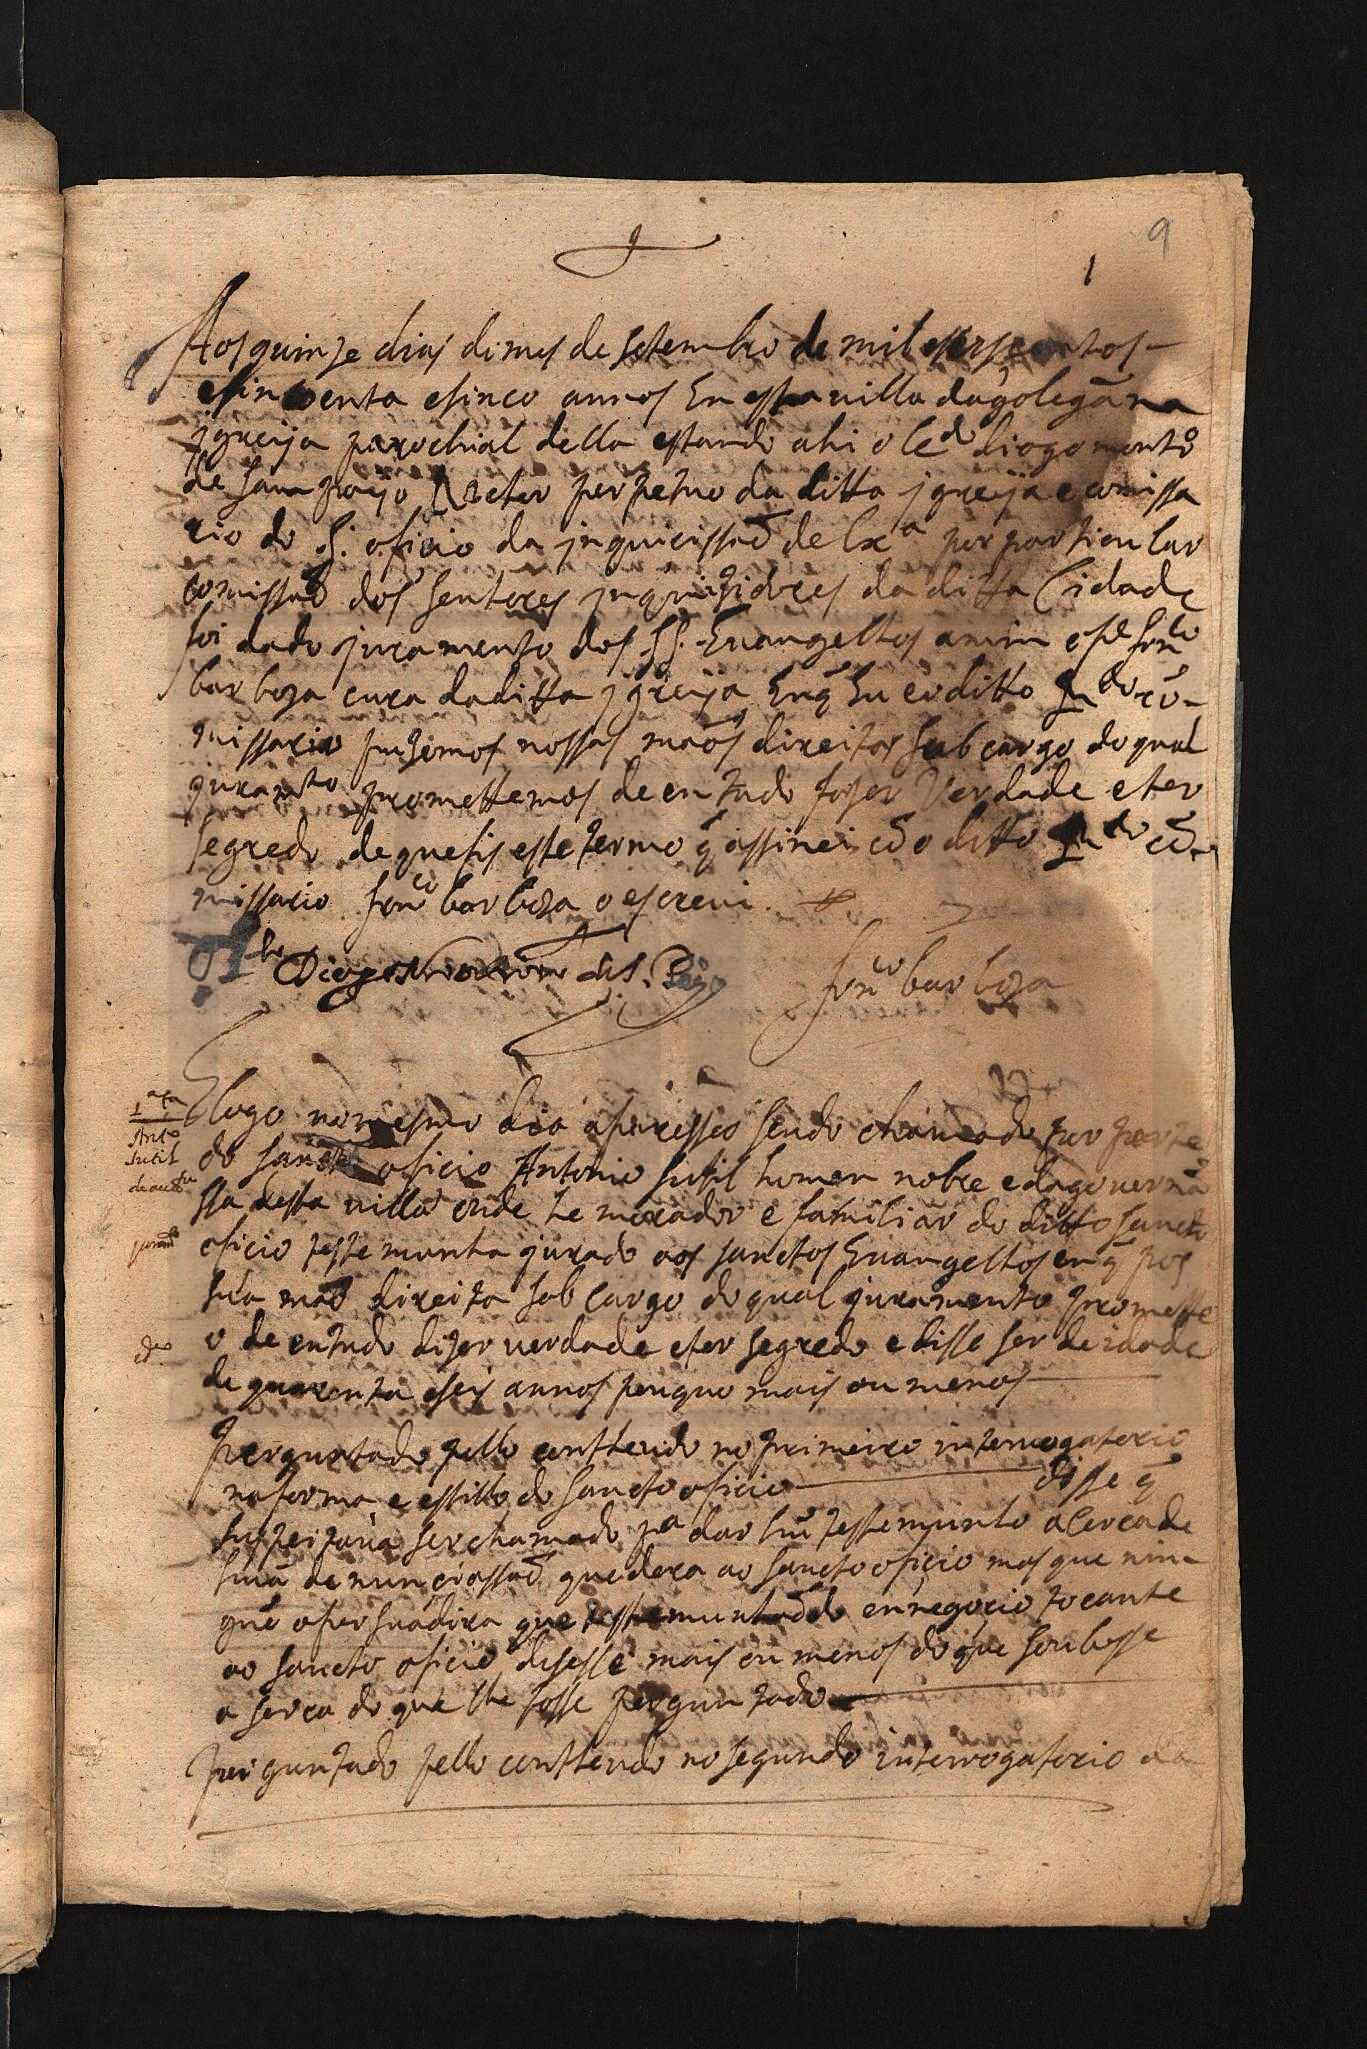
Aos quinze dias do mes de Setembro de mil e seisçentos
e sincoenta e sinco annos En esta villa da golegã na
jgreja parochial della estando ahi o lcdo diogo montro
de sampayo Rretor perpetuo da ditta jgreja e comissa
rio do .S. ofiçio da jnquiçissaõ de lxa por particular
comissaõ dos senhores jnquizidores da ditta Cidade
foi dado juramento dos .SS. Euangelhos a mim o pe frnco
barboza cura da ditta jgreja En q̄ Eu e o ditto Ldo co
missario puzemos nossas maõs direitas sob cargo do qual
juramto promettemos de en tudo fazer Verdade e ter
segredo de que fis este termo q̄ assinei cō o ditto Ldo co
missario frnco barboza o escrevi
E logo no mesmo dia aparesseo sendo chamado por parte
do Sancto oficio Antonio Sutil homem nobre e do governā
ssa desta villa onde he morador e familiar do ditto sancto
ofiçio testemunha jurado aos sanctos Euangelhos em q̄ pos
sua maõ direita sob cargo do qual juramento promette
o de en tudo dizer verdade e ter segredo e disse ser de idade
de quarenta e seis annos pouquo mais ou menos
perguntado pello contheudo no primeiro interrogatorio
disse q̄
na forma e estillo do Sancto oficio
suspeitaria ser chamado p.a dar hū testemunho acerca de
huā denunçiassaõ que dera ao Sancto ofiçio mas que nin
guē o persuadira que testemunhãodo en negoçio tocante
ao Sancto oficio, disesse mais ou menos do que seu custe
aserca do que lhe fosse perguntado
perguntado pello contheudo no segundo interrogatorio a
